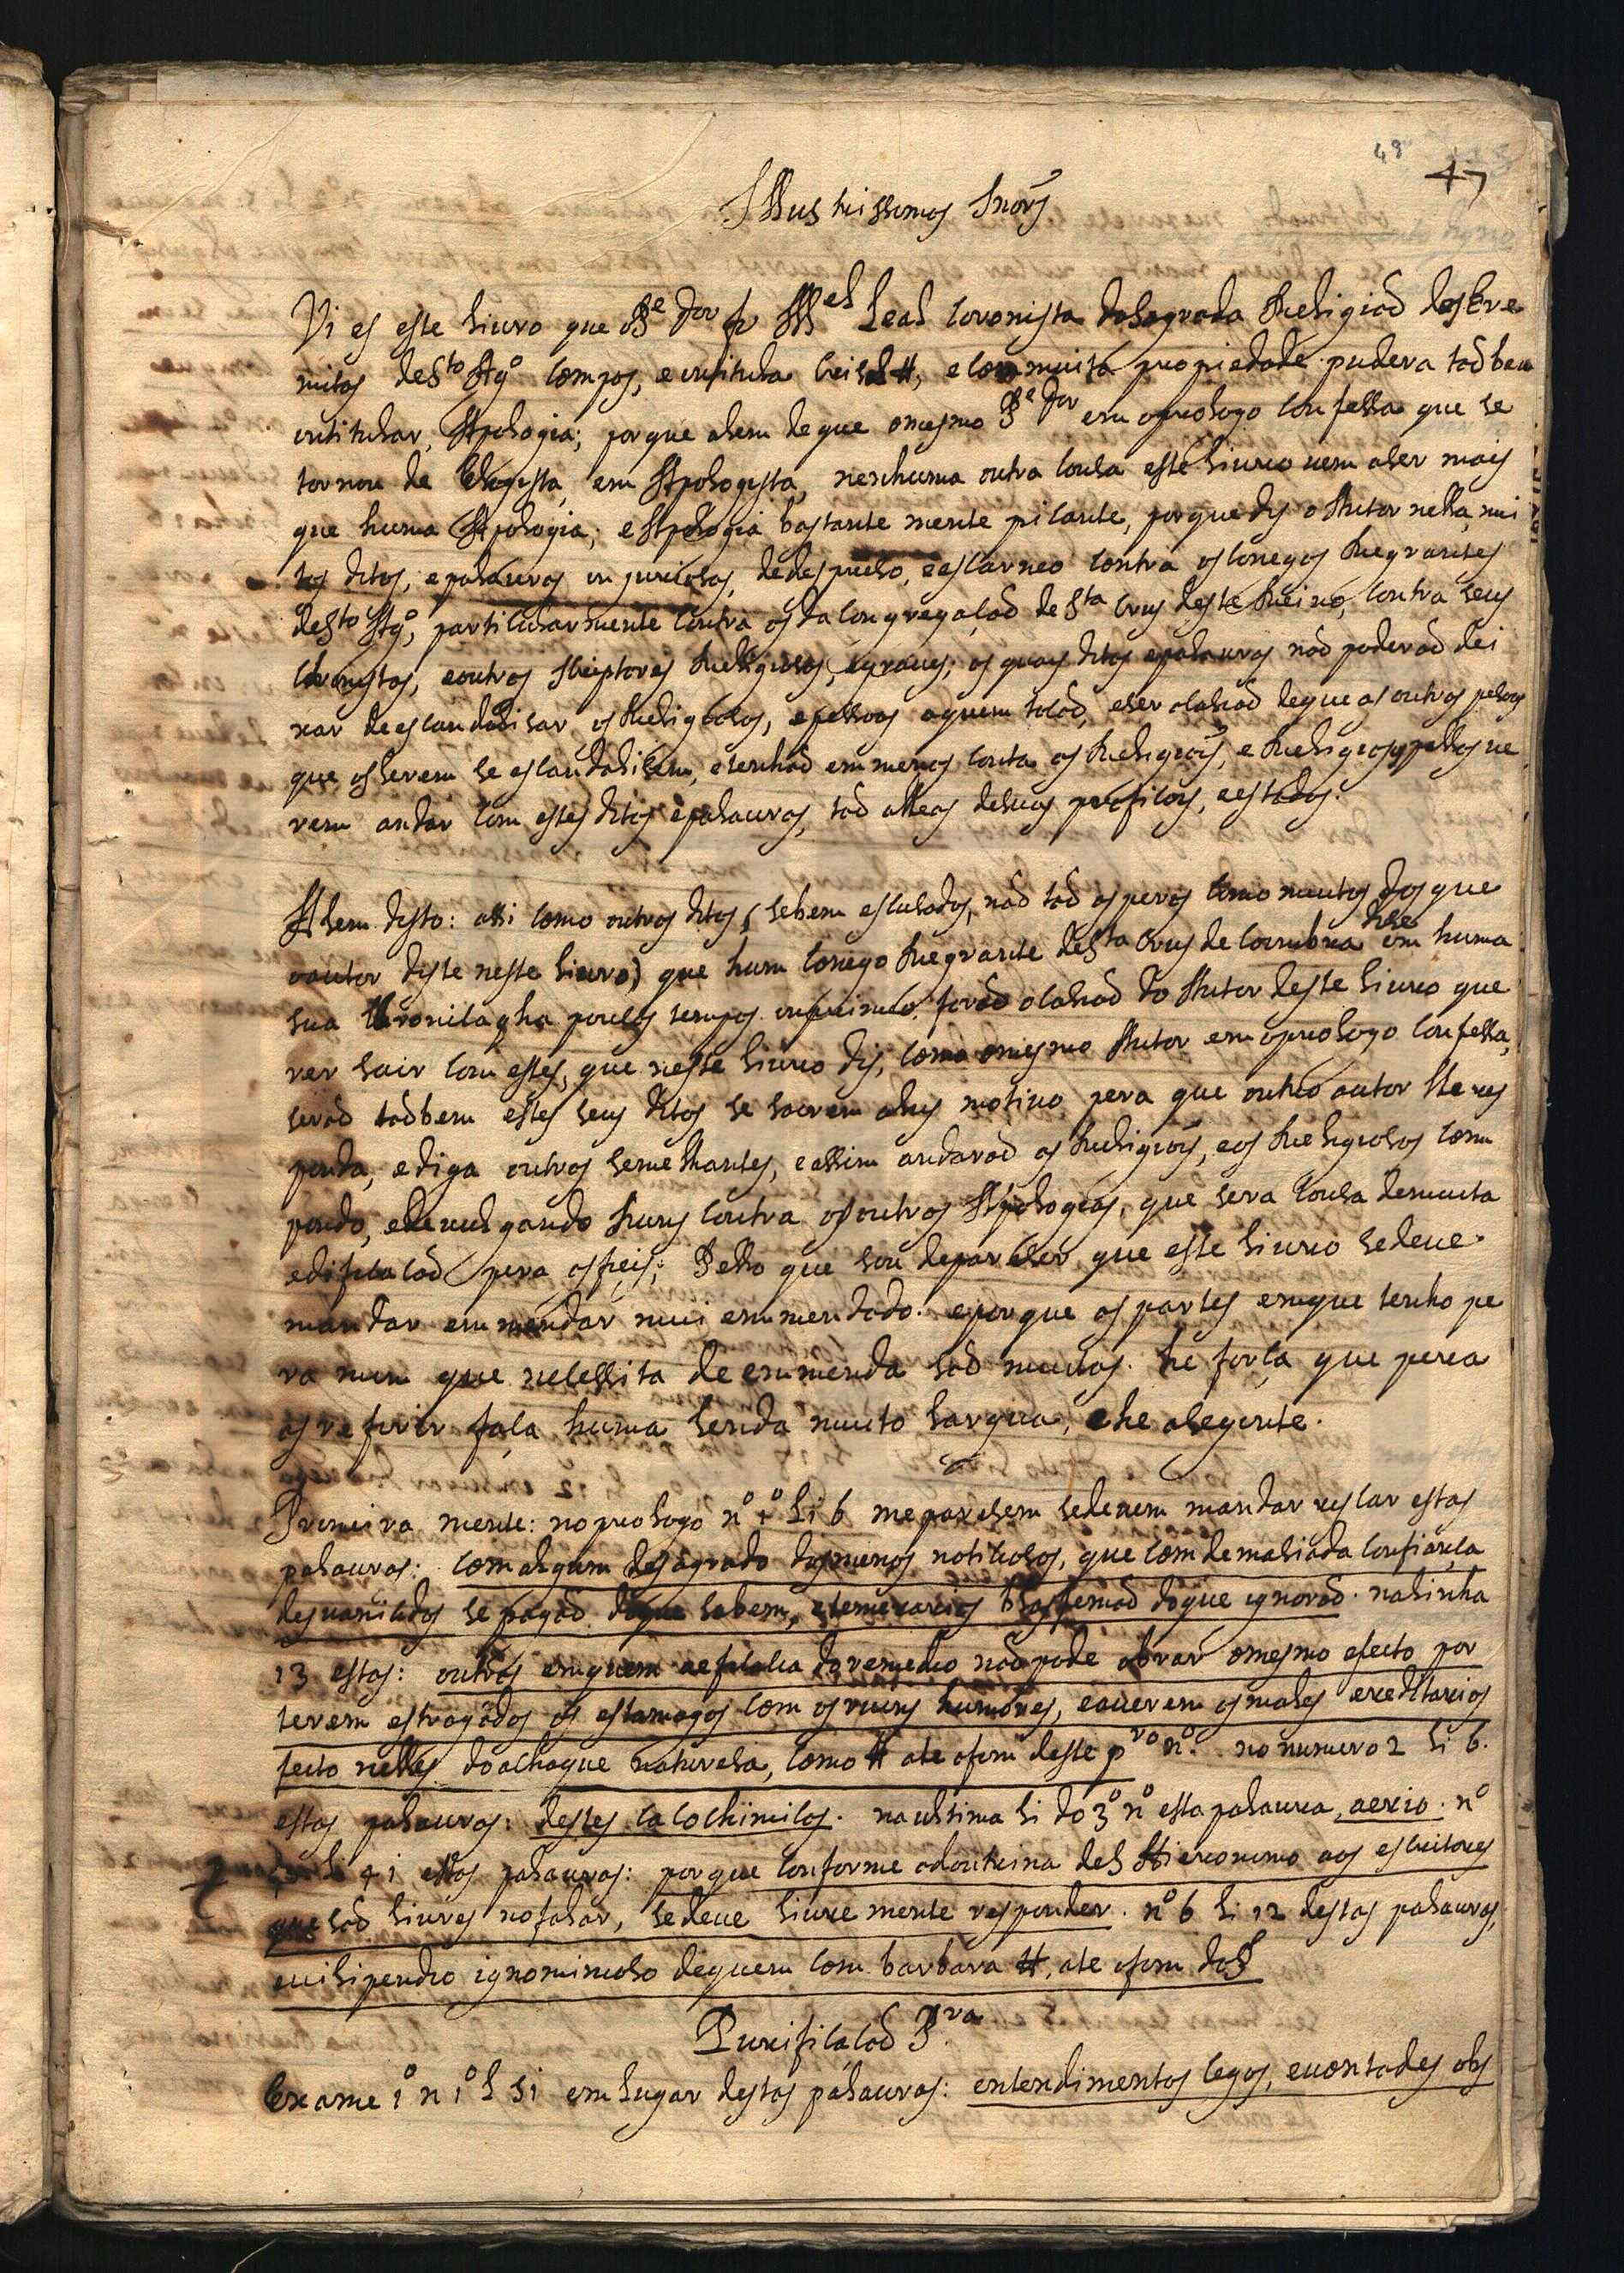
Illustrissimos Snor̄s
Vi es este liuro que o Pe Dor fr Mel Leal Coronista da Sagrada Religiaõ dos Ere
mitas de Sto Ago compos, e intitula Crisol tt., e com muita propiedade pudera taõbem
intitular, Apologia; porque alem de que o mesmo Pe Dor em o prologo confessa que se
tornou de Elegista, em Apologista, nenhuma outra cousa este liuro uem a ser mais
que huma Apologia, e Apologia bastantemente picante, porque dis o Autor nella, mui
tos ditos, e palauras injuriosas, de despreso, e escarneo contra os conegos Regrantes
de Sto Ago, particularmente contra os da congregaçaõ de Sta crus deste Reino, contra seus
Chronistas, e outros scriptores Religiosos, e graues; os quais ditos e palauras naõ poderaõ dei
xar de escandalisar os Religiosos, e pessoas a quem tocaõ, e ser ocasiaõ de que as outras pesoas
que os lerem se escandalisem, e tenhaõ em menos conta as Religioĩs, e Religiosos pellos ue
rem andar com estes ditos e palauras, taõ alheas de suas profiçois, e estados.
Alem disto: assi como outros ditos (se bem escusados, naõ taõ asperos como muitos dos que
o autor disse neste liuro) que hum conego Regrante de Sta crus de Coimbra
dise
em huma
sua Chronica q ha poucos tempos inprimio foraõ ocasiaõ do Autor deste liuro que
rer sair com estes, que neste liuro dis, como o mesmo Autor em o prologo confessa,
seraõ taõbem estes seus ditos se sairem a lus motiuo pera que outro autor lhe res
ponda, e diga outros semelhantes, e assim andaraõ as Religioĩs, e os Religiosos com
pondo, e diuulgando huns contra os outros Apologias, que sera cousa de muita
edificaçaõ pera os fieis; Pello que sou de parecer que este liuro se deue
mandar emmendar mui emmendado. e porque as partes em que tenho pe
ra mim que necessita de emmenda saõ muitas he força que pera
as referir faça huma lenda muito largua, e he a seginte.
Primeiramente: no prologo no 1o li 6 me paresem se deuem mandar riscar estas
palauras: com algum desagrado dos menos noticiosos, que com demasiada confiança
desuanicidos se pagaõ do que sabem, e temerarios blasfemaõ do que ignoraõ. na linha
13 estas: outros em quem a eficacia do remedio naõ pode obrar o mesmo efecto por
terem estragados os estamagos com os ruins humores, e auerem os males ereditarios
fecto nelles do achaque naturesa, como tt ate o fim deste pro no. no numero 2 li 6.
estas palauras. destes cacochimicos. na ultima li do 3o no esta palaura, aerio. no
li 41 estas palauras: porque conforme a doutrina de S Hieronimo aos escritores
que saõ liures no falar, se deue liuremente responder. no 6 li 12 destas palauras,
e uilipendio ignominioso de quem com barbara tt. ate o fim do §
Purificaçaõ P.ra
Exame 1o n 1o l 51 em lugar destas palauras: entendimentos cegos, e uontades obs
